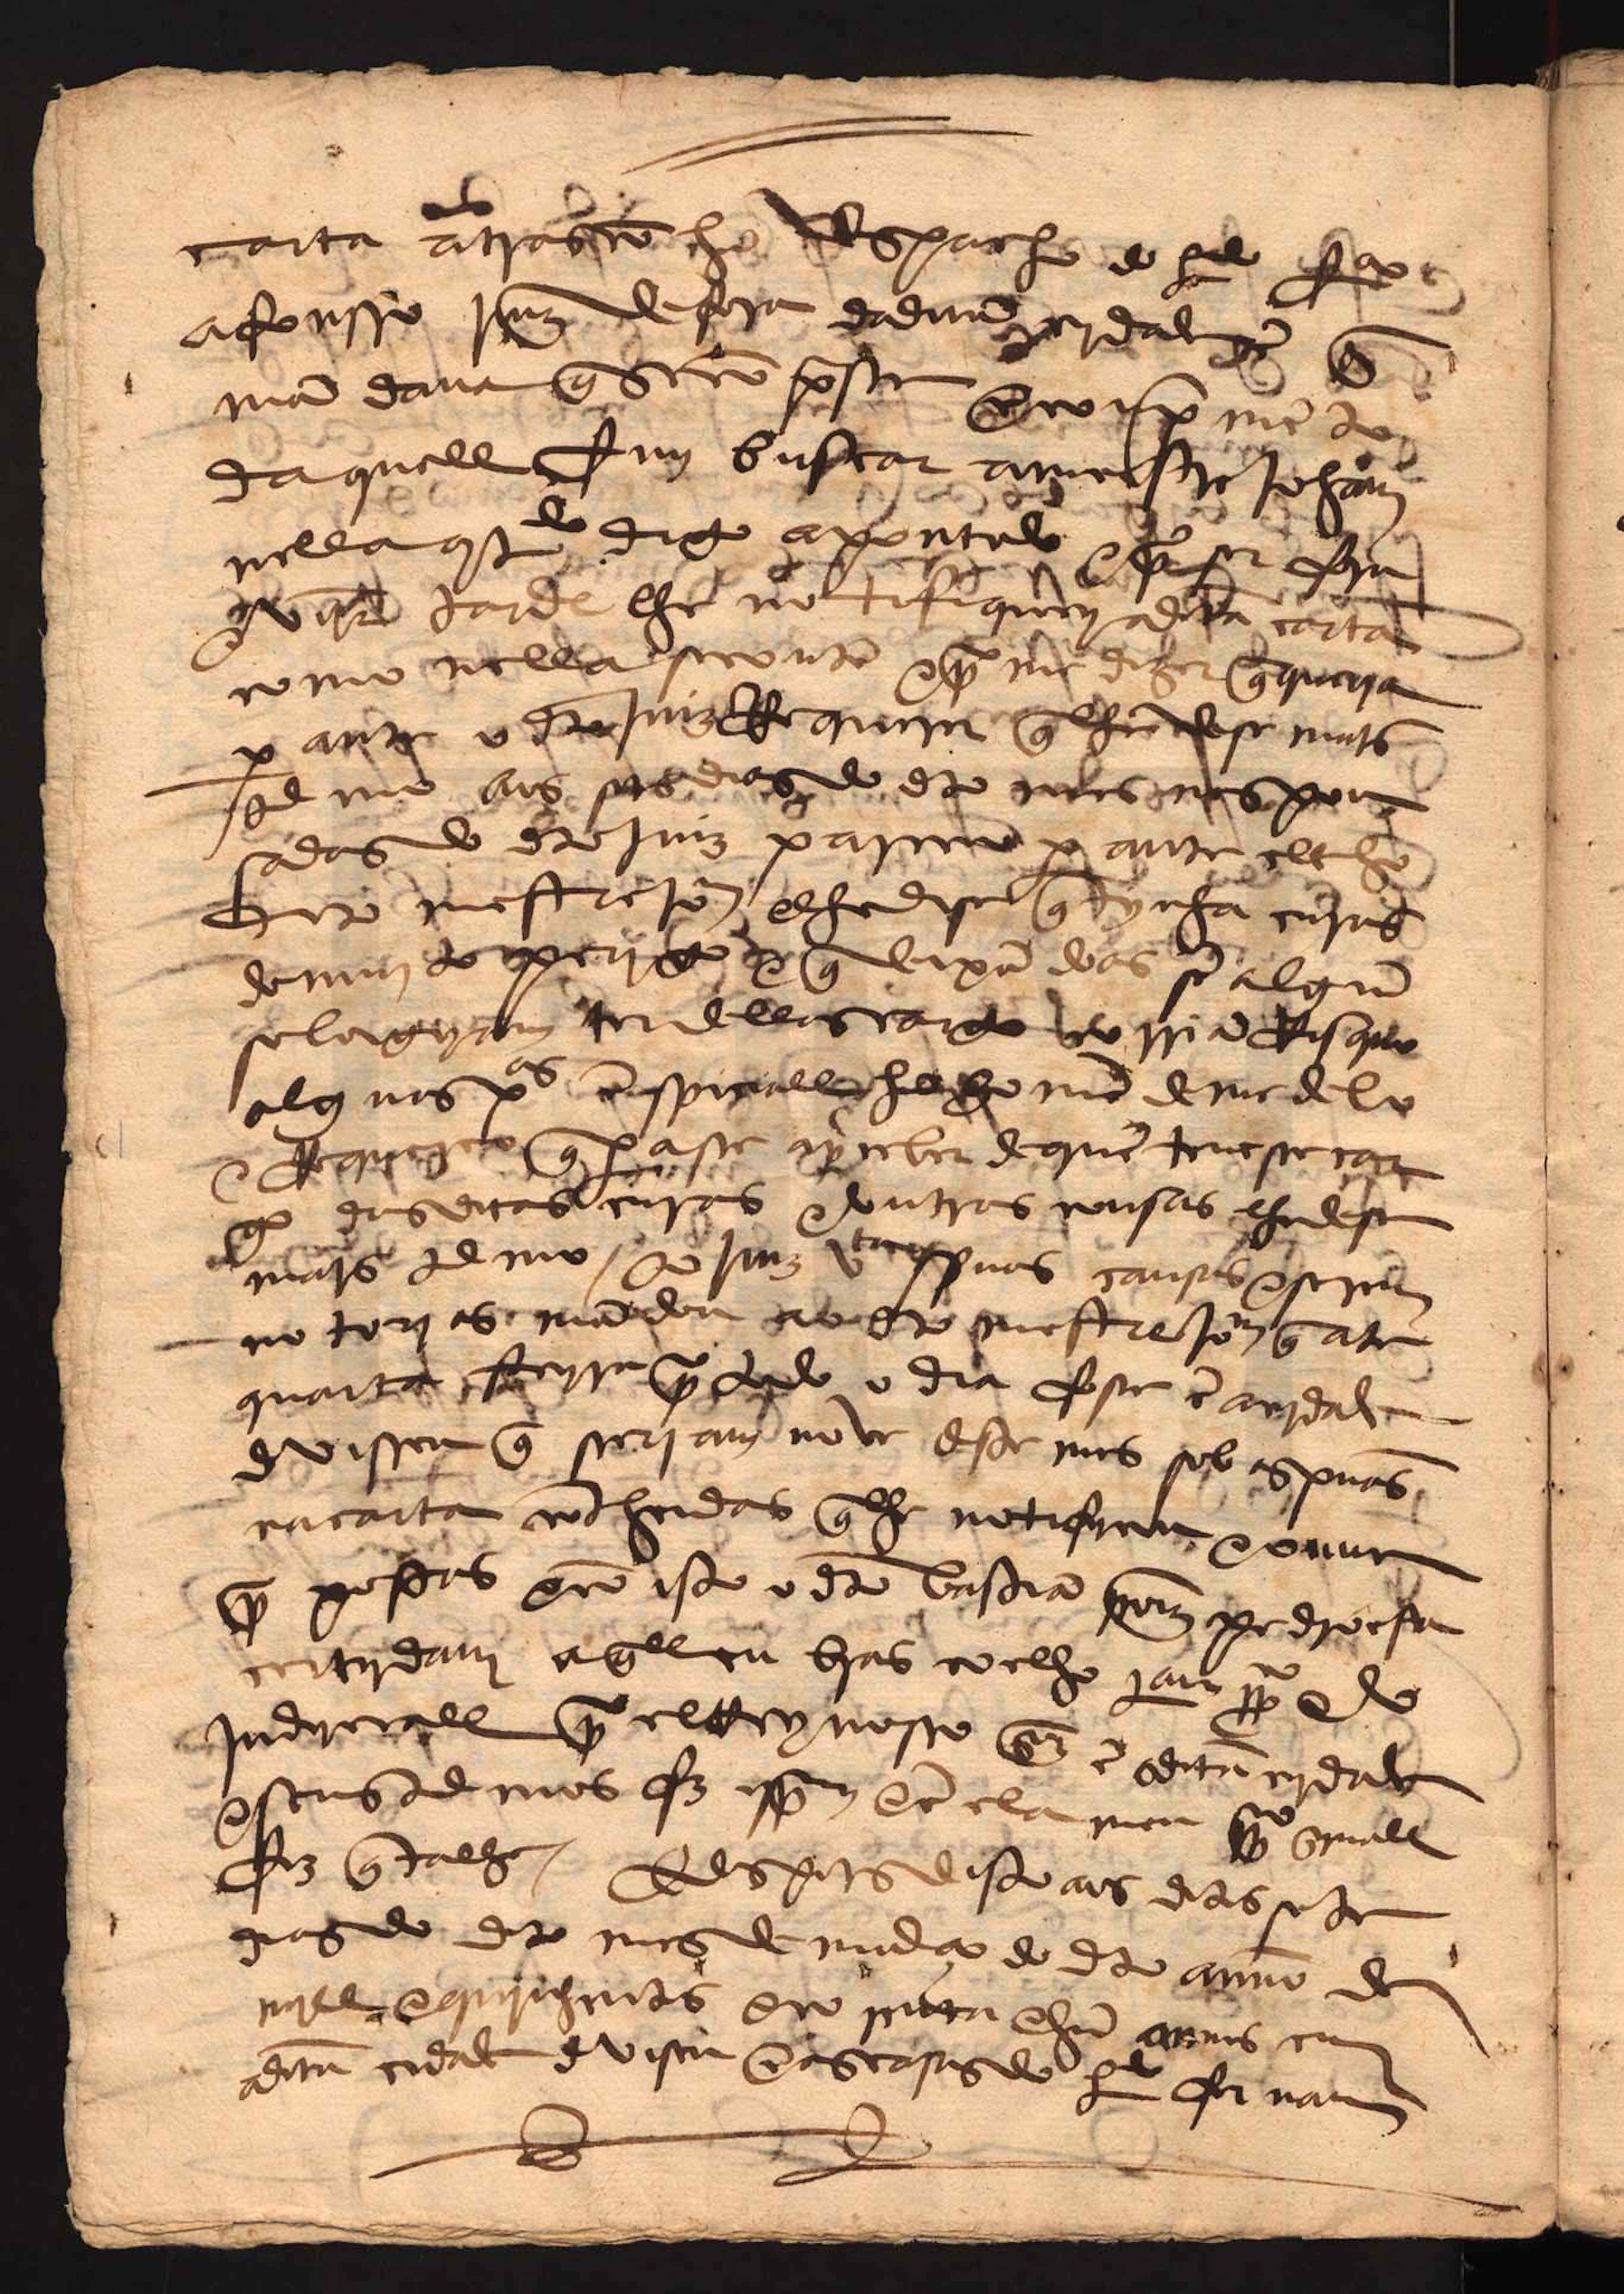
carta atras c̄o ho despacho do Ldo fco
afonsso Juiz de fora da dita cjdade ē q̄
mādaua q̄ se c̄op̄sse ē conp̄mēto
da quall fuy buscar a meestre Joham
nella ꝯtdo digo apontado e p̄o ser fora
e vijr tarde lhe notifiquey a dita carta
como nella se contē e p̄o me dizer q̄ querja
ꝑante o dt̄o Juiz Requerer q̄ lhe dese majs
t̄mo aos seis dias do dto mes nas pou
sadas do dto Juiz pareceo ꝑante elle ho
dito mestre Jom e lhe dise ē tynha curas
de mujto perjgo e q̄ dexādoas sē algū
solorgyam ter dellas cargo corriā Risquo
alguas pas ē spiciall ho homē de medelo
e Requereo q̄ ꝑa sse ap̄ceber de quē teuesse car
go das ditas curas e doutras cousas lhe dese
majs t̄mo / e o Juiz vta / suas causas e serem
notorjas mādou ao dito mestre Jom q̄ ate
quarta feyra p̄o todo o dia fose ē a cjdade
de visseu q̄ serjam nove deste mes sob as pnās
na carta cōtheudas q̄ lhe notificou e ouue
p̄ postas e c̄o isto o dt̄o bastiā r̄roiz pedjo esta
certydam a q̄ll eu bras coelho tam ꝓpco e do
Judyciall p̄o el Rey nosso s̄or ē a dita cjdade
e seus t̄mos fiz esp̄uy e ē ela meu ꝓpco synall
fiz q̄ tal he / E despojs desto aos ditos sete
dias do dito mes de māço do dito anno de
mjll e qujnhentos e corenta e hū annos em
a dita cidade de viseu ē as casas do Ldo fernam
